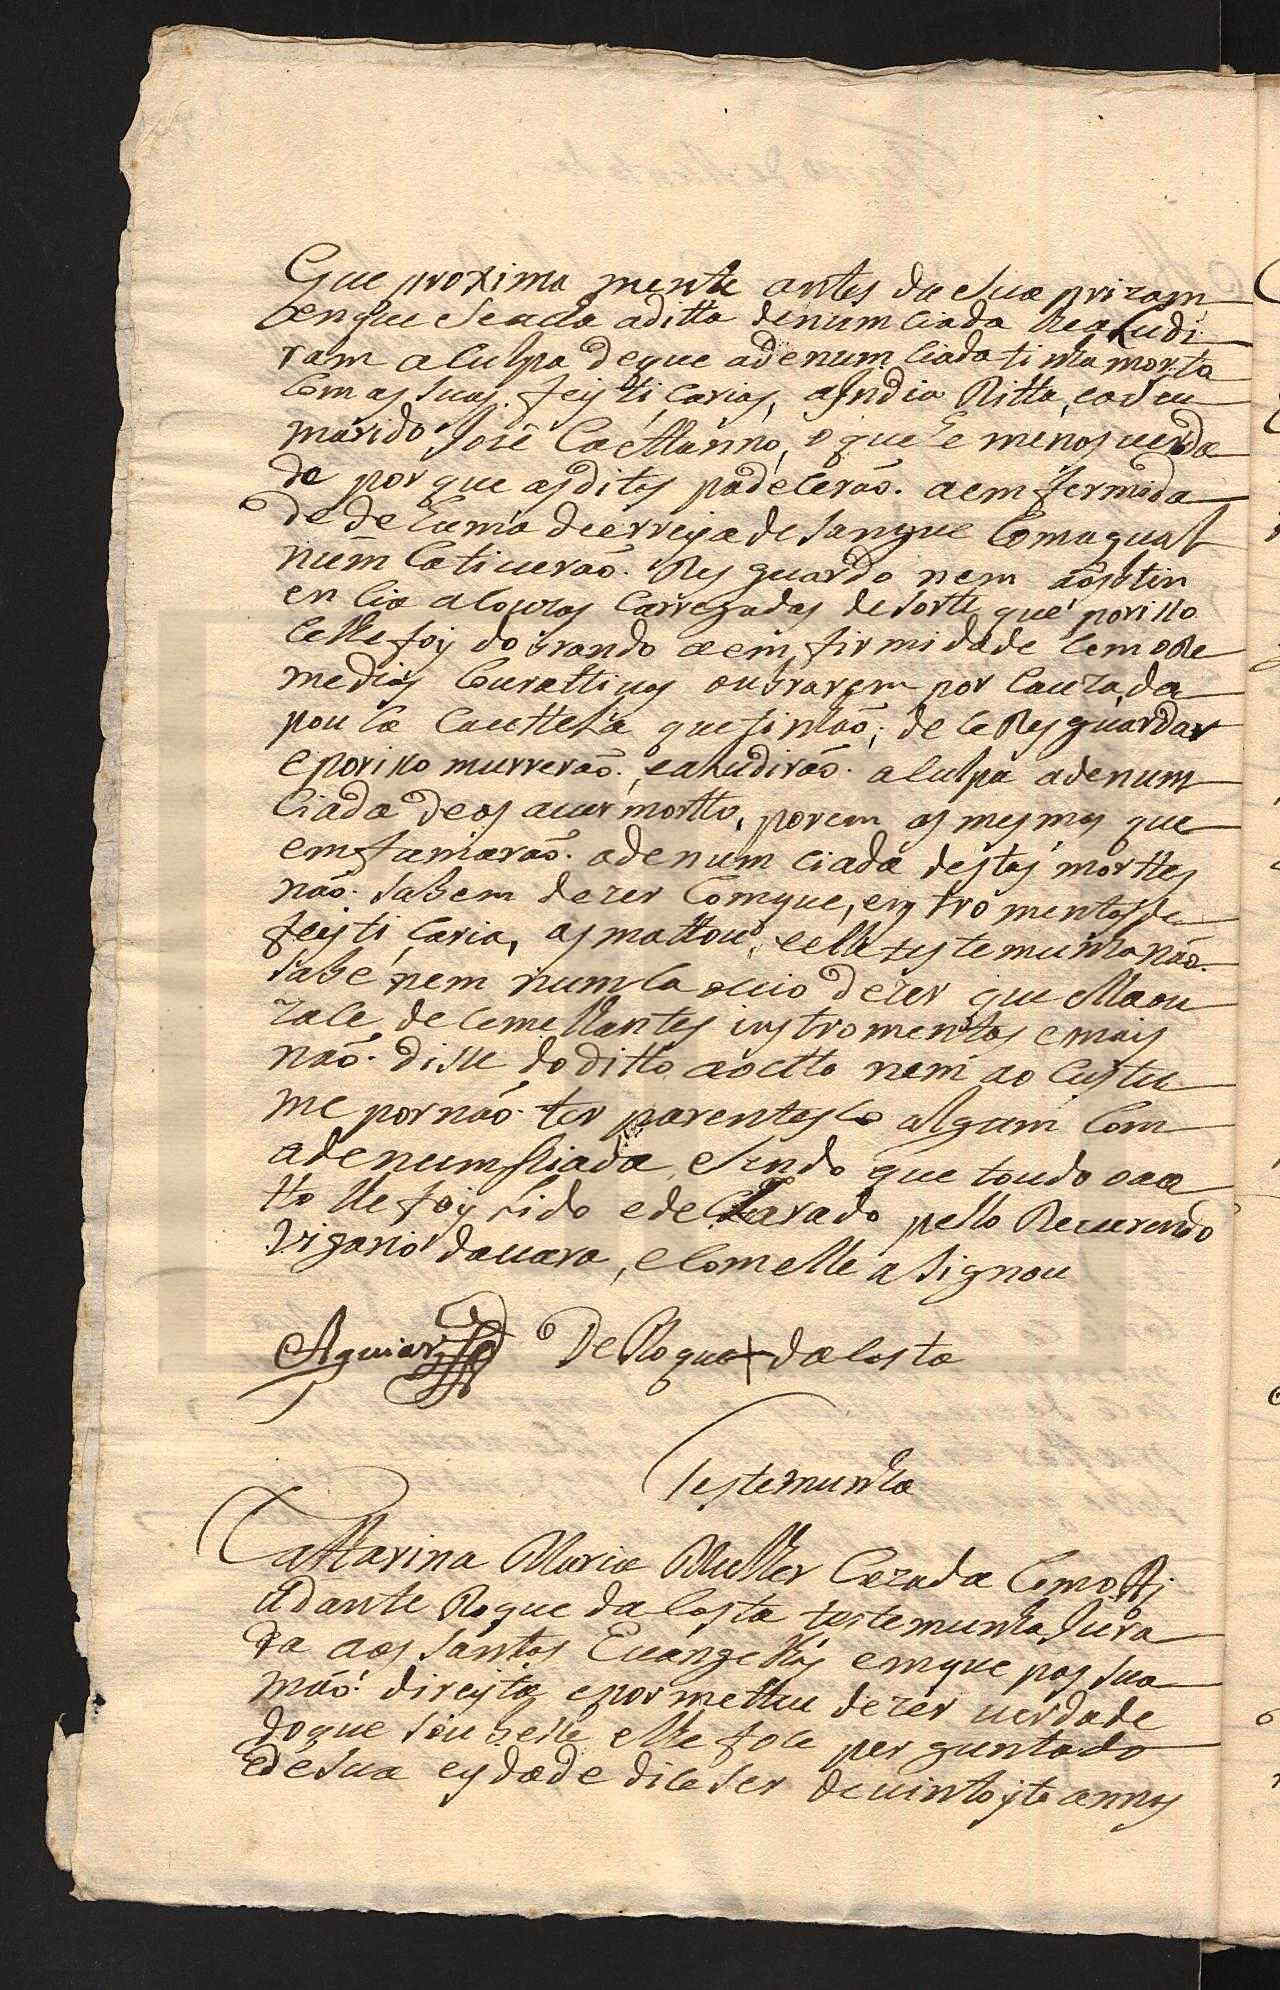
Que proximamente antes da sua prizam,
en que se acha a ditta denumciada Re aLudi
ram a culpa de que a denumciada tinha morto
com as suas feytiçarias, a Jndia Ritta, e o Seu
marido Jozé Caettanno, o que he menos verda
de porque as ditas padeceraõ. a emfermida
de de huma dierreya de sangue com a qual
numca tiueraõ. Resguardo nem a osbtin
encia a couzas carregados de sorte que por isso
ce lhe foy dobrando a emfirmidade como Re
medios courattiuos oubrarem por cauza, da
pouCa cautteLa que tinhaõ, de Ce Resguardar
e por isso murreraõ, e aLudiraõ a culpa a denum
ciada de os auer mortto, porem as mesmas que
emfamaraõ. a denumciada destas morttes
não sabem dezer com que, enstromentos de
feytiçaria, as mattou, e ella testemunha não
sabe nem numCa ouio dezer que ella ou
zace de cemelhantes instromentos e mais
naõ. disse do ditto aoctto nem ao custu
me por naõ ter parentesco algum Com
a denumssiada, sendo que toudo o ao
tto lhe foy Lido e decLarado pello Reuerendo
vigario da uara, e com elle asignou
Testemunha
Catharina Maria Mulher Cazada Com o Aj
udante Roque da Costa testemunha Jura
da aos santos Euangelhós em que pos sua
mão: direyta e pormetteu dezer uerdade
do que soubesse e lhe foce perguntado
de sua eydade dice ser de uintoyto annos
